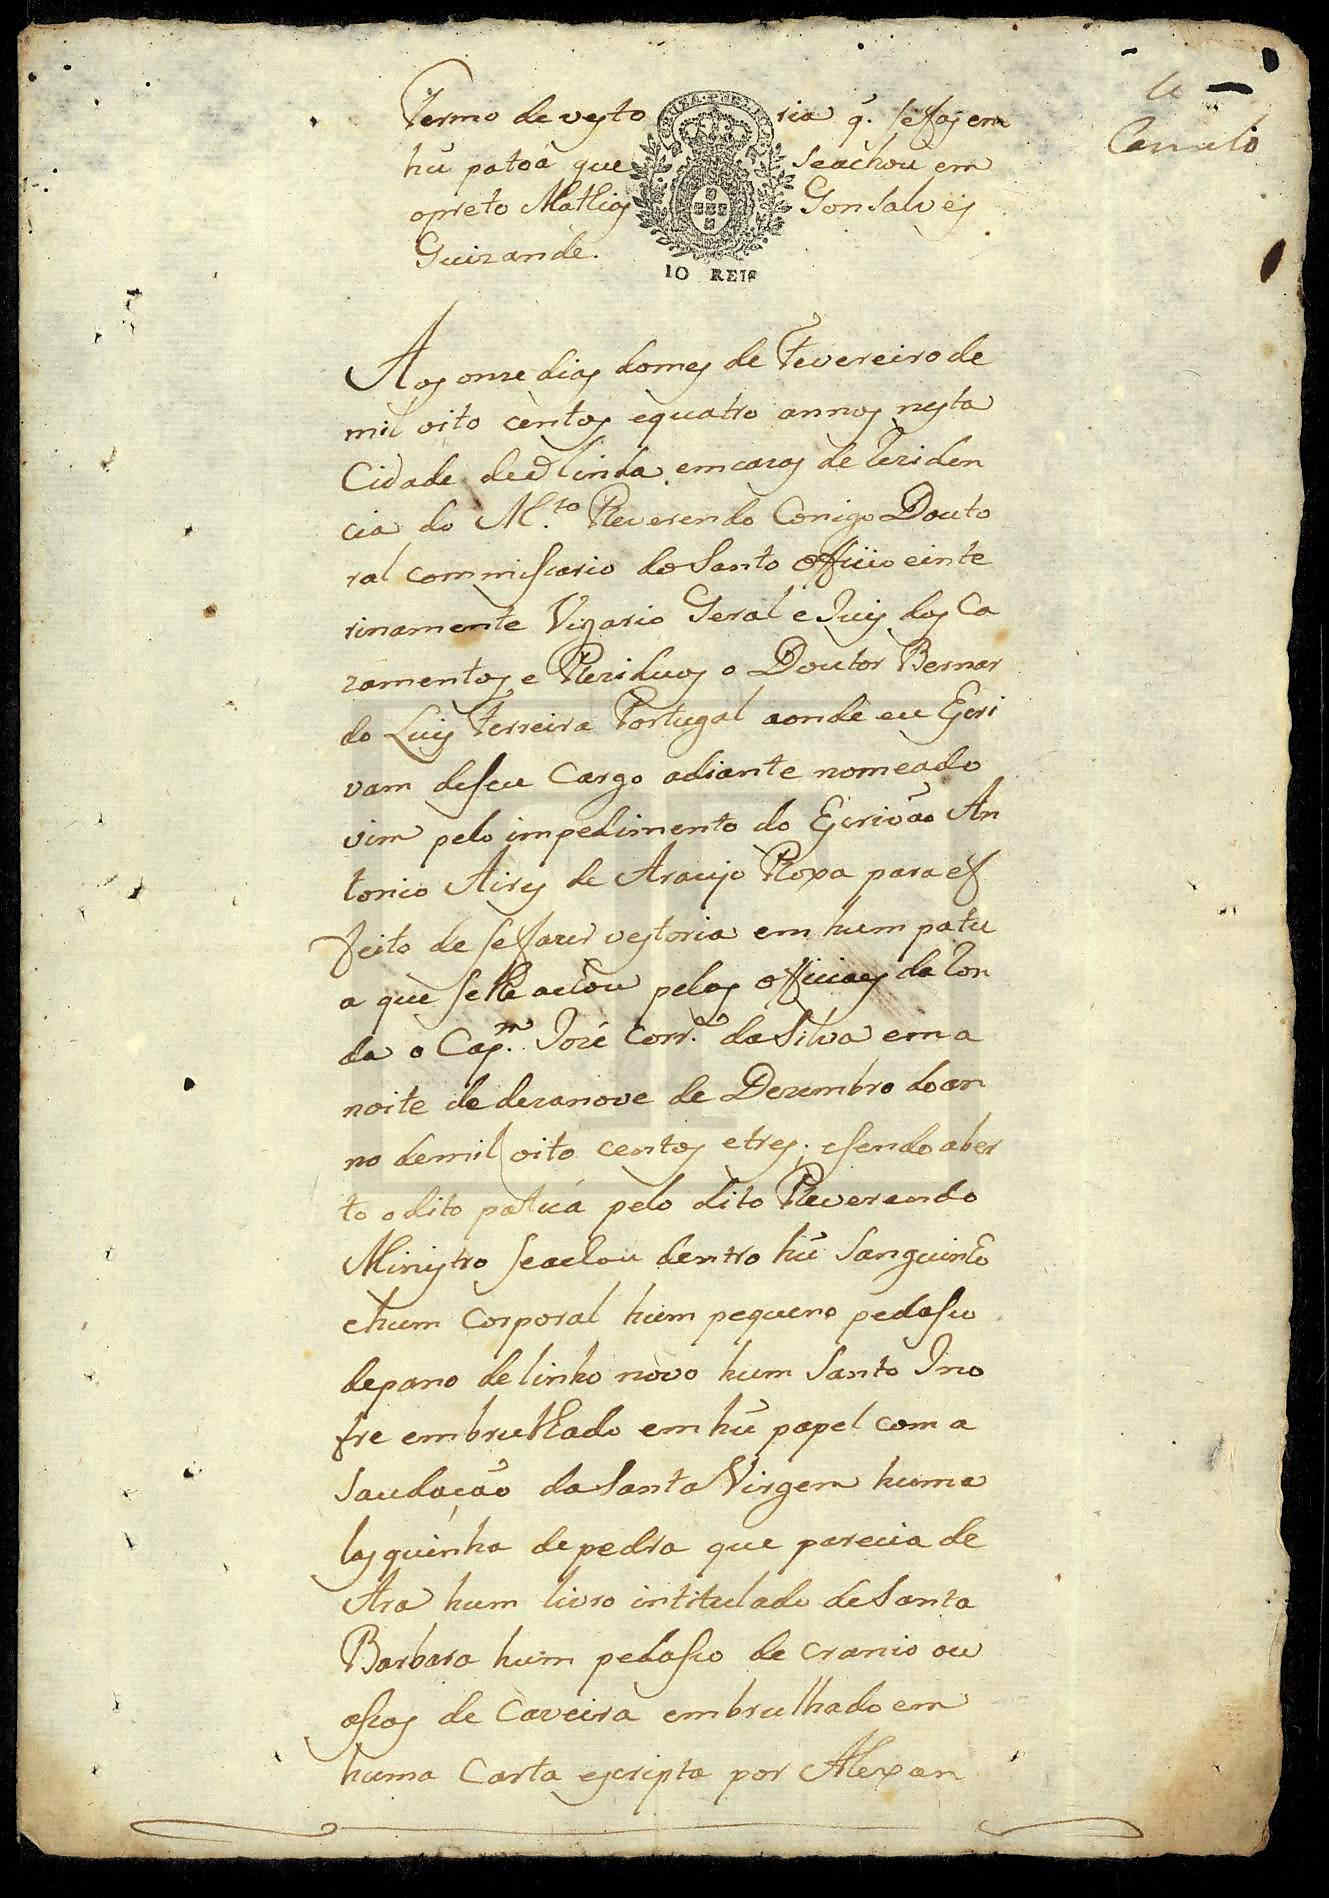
Termo de vesto
ria q̄. se fes em
hū patoa que
se achou em
o preto Mathias
Gonsalves
Guizande
Aos onze dias do mes de Fevereiro de
mil oitocentos e quatro annos nesta
Cidade de Olinda, em cazas de Reziden
cia do M.to Reverendo Conigo Douto
ral commissario do Santo officio e inte
rinamente Vigario Geral e Iuis dos Ca
zamentos e Reziduos o Doutor Bernar
do Luis Ferreira Portugal aonde eu Escri
vam de seu Cargo adiante nomeado
vim pelo impedimento do Escrivaõ An
tonio Aires de Araujo Roxa para ef
feito de se fazer vestoria em hum patu
a que se lhe achou pelos officiaes da Ron
da o Cap.m Iozé Corr.a da Silva em a
noite de dezanove de Dezembro do an
no de mil oitocentos e tres; e sendo aber
to o dito patuá pelo dito Reverendo
Ministro se achou dentro hū Sanguinho
e hum corporal hum pequeno pedasso
de pano de linho novo hum Santo Ino
fre embrulhado em hū papel com a
Saudaçaõ da Santa Virgem huma
lasquinha de pedra que parecia de
Ara hum livro intitulado de Santa
Barbara hum pedasso de cranio ou
ossos de caveira embrulhado em
huma Carta escripta por Alexan
Camilo
